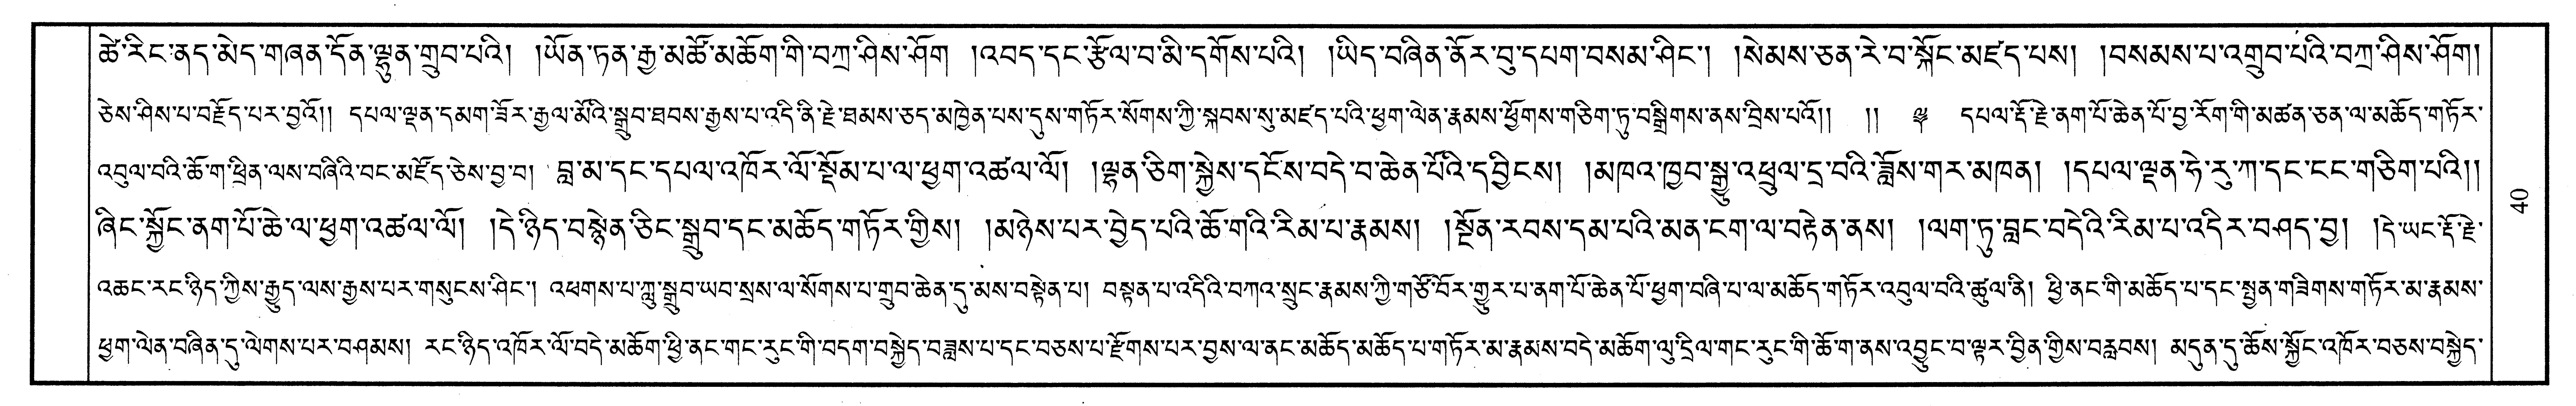ཚེ་རིང་ནད་མེད་གཞན་དོན་ལྷུན་གྲུབ་པའི། །ཡོན་ཏན་རྒྱ་མཚོ་མཆོག་གི་བཀྲ་ཤིས་ཤོག །འབད་དང་རྩོལ་བ་མི་དགོས་པའི། །ཡིད་བཞིན་ནོར་བུ་དཔག་བསམ་ཤིང་། །སེམས་ཅན་རེ་བ་སྐོང་མཛད་པས། །བསམས་པ་འགྲུབ་པའི་བཀྲ་ཤིས་ཤོག།
ཅེས་ཤིས་པ་བརྗོད་པར་བྱའོ།། དཔལ་ལྡན་དམག་ཟོར་རྒྱལ་མོའི་སྒྲུབ་ཐབས་རྒྱས་པ་འདི་ནི་རྗེ་ཐམས་ཅད་མཁྱེན་པས་དུས་གཏོར་སོགས་ཀྱི་སྐབས་སུ་མཛད་པའི་ཕྱག་ལེན་རྣམས་ཕྱོགས་གཅིག་ཏུ་བསྒྲིགས་ནས་བྲིས་པའོ།། །། ༈ དཔལ་རྡོ་རྗེ་ནག་པོ་ཆེན་པོ་བྱ་རོག་གི་མཚན་ཅན་ལ་མཆོད་གཏོར་
འབུལ་བའི་ཆོ་ག་ཕྲིན་ལས་བཞིའི་བང་མཛོད་ཅེས་བྱ་བ། བླ་མ་དང་དཔལ་འཁོར་ལོ་སྡོམ་པ་ལ་ཕྱག་འཚལ་ལོ། །ལྷན་ཅིག་སྐྱེས་དངོས་བདེ་བ་ཆེན་པོའི་དབྱིངས། །མཁའ་ཁྱབ་སྒྲུབ་འཕྲུལ་དྲ་བའི་ཟློས་གར་མཁན། །དཔལ་ལྡན་ཧེ་རུ་ཀ་དང་ངང་གཅིག་པའི།།
ཞིང་སྐྱོང་ནག་པོ་ཆེ་ལ་ཕྱག་འཚལ་ལོ། །དེ་ཉིད་བསྙེན་ཅིང་སྒྲུབ་དང་མཆོད་གཏོར་གྱིས། །མཉེས་པར་བྱེད་པའི་ཆོ་གའི་རིམ་པ་རྣམས། །སྔོན་རབས་དམ་པའི་མན་ངག་ལ་བརྟེན་ནས། །ལག་ཏུ་བླང་བདེའི་རིམ་པ་འདིར་བཤད་བྱ། །དེ་ཡང་རྡོ་རྗེ་
འཆང་རང་ཉིད་ཀྱིས་རྒྱུད་ལས་རྒྱས་པར་གསུངས་ཤིང་། འཕགས་པ་ཀླུ་སྒྲུབ་ཡབ་སྲས་ལ་སོགས་པ་གྲུབ་ཆེན་དུ་མས་བསྟེན་པ། བསྟན་པ་འདིའི་བཀའ་སྲུང་རྣམས་ཀྱི་གཙོ་བོར་གྱུར་པ་ནག་པོ་ཆེན་པོ་ཕྱག་བཞི་པ་ལ་མཆོད་གཏོར་འབུལ་བའི་ཚུལ་ནི། ཕྱི་ནང་གི་མཆོད་པ་དང་སྤྱན་གཟིགས་གཏོར་མ་རྣམས་
ཕྱག་ལེན་བཞིན་དུ་ལེགས་པར་བཤམས། རང་ཉིད་འཁོར་ལོ་བདེ་མཆོག་ཕྱི་ནང་གང་རུང་གི་བདག་བསྐྱེད་བཟླས་པ་དང་བཅས་པ་རྫོགས་པར་བྱས་ལ་ནང་མཆོད་མཆོད་པ་གཏོར་མ་རྣམས་བདེ་མཆོག་ལུ་དྲིལ་གང་རུང་གི་ཆོ་ག་ནས་འབྱུང་བ་ལྟར་བྱིན་གྱིས་བརླབས། མདུན་དུ་ཆོས་སྐྱོང་འཁོར་བཅས་བསྐྱེད་